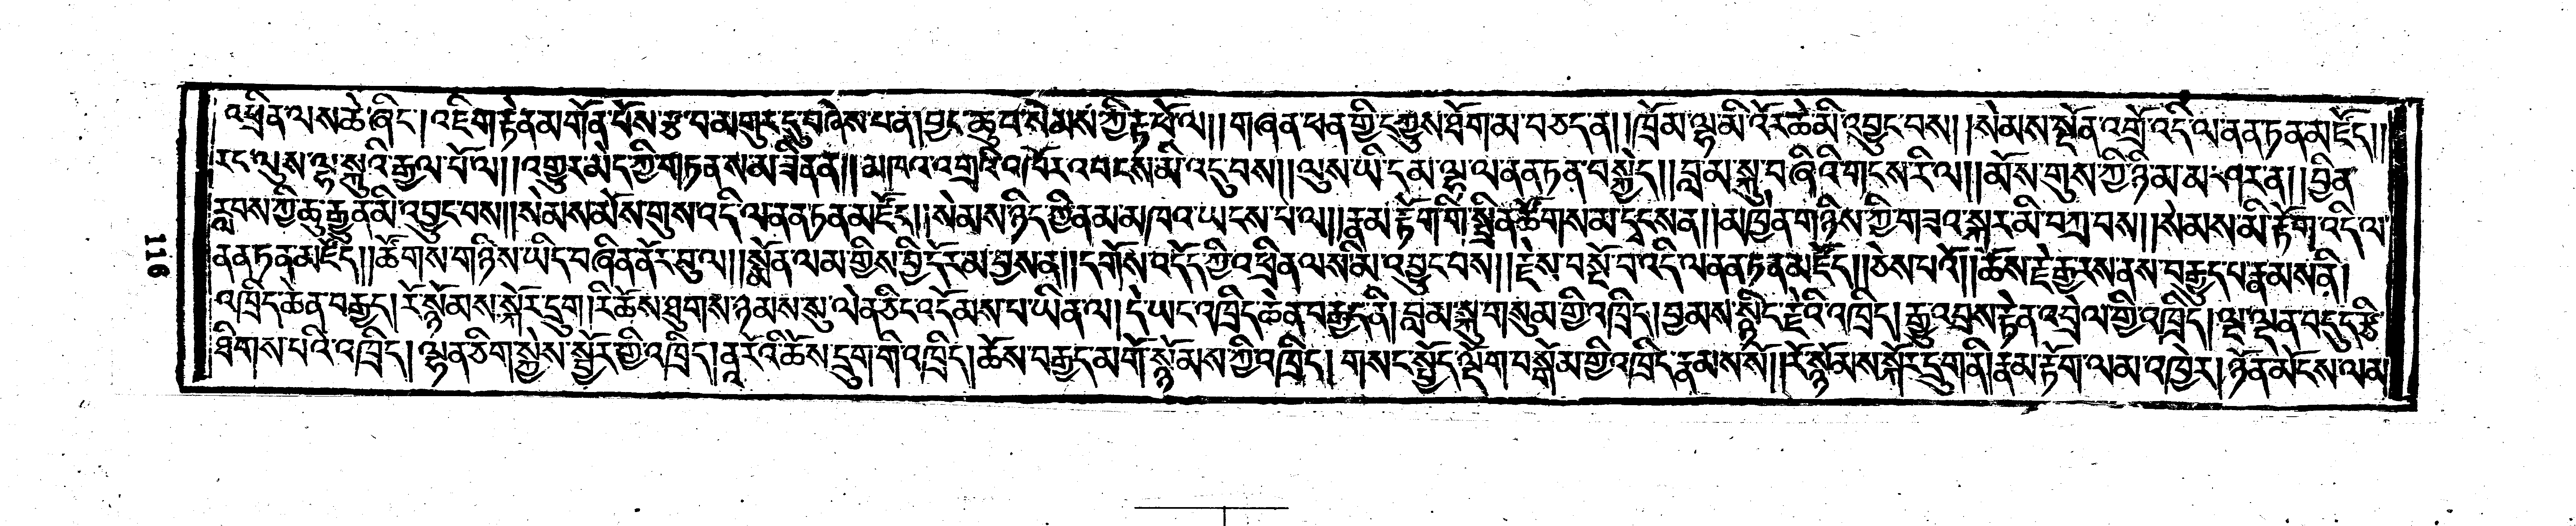འཕྲིན་ལས་ཆེ་ཞིང་། འཇིག་རྟེན་མགོན་པོས་རྩ་བ་མགུར་དུ་བཞེས་པ་ན། བྱང་ཆུབ་སེམས་ཀྱི་རྟ་ཕོ་ལ། །གཞན་ཕན་གྱི་དཀྱུས་ཐོག་མ་བཅད་ན། །ཁྲོམ་ལྷ་མི་འོར་ཆེ་མི་འབྱུང་བས། །སེམས་སྔོན་འགྲོ་འདི་ལ་ནན་ཏན་མཛོད། །
རང་ལུས་ལྷ་སྐུའི་རྒྱལ་པོ་ལ། །འགྱུར་མེད་ཀྱི་གཏན་ས་མ་ཟིན་ན། །མཁའ་འགྲོའི་འཁོར་འབངས་མི་འདུ་བས། །ལུས་ཡི་དམ་ལྷ་ལ་ནན་ཏན་བསྐྱེད། །བླ་མ་སྐུ་བཞིའི་གངས་རི་ལ། །མོས་གུས་ཀྱི་ཉི་མ་མ་ཤར་ན། །བྱིན་
རླབས་ཀྱི་ཆུ་རྒྱུན་མི་འབྱུང་བས། །སེམས་མོས་གུས་འདི་ལ་ནན་ཏན་མཛོད། །སེམས་ཉིད་ཀྱི་ནམ་མཁའ་ཡངས་པ་ལ། །རྣམ་རྟོག་གི་སྤྲིན་ཚོགས་མ་དྭངས་ན། །མཁྱེན་གཉིས་ཀྱི་གཟའ་སྐར་མི་བཀྲ་བས། །སེམས་མི་རྟོག་འདི་ལ་
ནན་ཏན་མཛོད། །ཚོགས་གཉིས་ཡིད་བཞིན་ནོར་བུ་ལ། །སྨོན་ལམ་གྱིས་བྱི་དོར་མ་བྱས་ན། །དགོས་འདོད་ཀྱི་འཕྲིན་ལས་མི་འབྱུང་བས། །རྗེས་བསྔོ་བ་འདི་ལ་ནན་ཏན་མཛོད། །ཅེས་པའོ། །ཆོས་རྗེ་རྒྱ་རས་ནས་བརྒྱུད་པ་རྣམས་ནི།
འཁྲིད་ཆེན་བརྒྱད། རོ་སྙོམས་སྐོར་དྲུག །རི་ཆོས་ཐུགས་ཉམས་སུ་ལེན་ཅིང་འདོམས་པ་ཡིན་ལ། དེ་ཡང་འཁྲིད་ཆེན་བརྒྱད་ནི། བླ་མ་སྐུ་གསུམ་གྱི་འཁྲིད། བྱམས་སྙིང་རྗེའི་འཁྲིད། རྒྱུ་འབྲས་རྟེན་འབྲེལ་གྱི་འཁྲིད། ལྔ་ལྡན་བདུད་རྩི་
ཐིགས་པའི་འཁྲིད། ལྷན་ཅིག་སྐྱེས་སྦྱོར་གྱི་འཁྲིད། ནཱ་རོའི་ཆོས་དྲུག་གི་འཁྲིད། ཆོས་བརྒྱད་མགོ་སྙོམས་ཀྱི་འཁྲིད། གསང་སྤྱོད་ལྡོག་བསྒོམ་གྱི་འཁྲིད་རྣམས་སོ། །རོ་སྙོམས་སྐོར་དྲུག་ནི། རྣམ་རྟོག་ལམ་འཁྱེར། ཉོན་མོངས་ལམ་